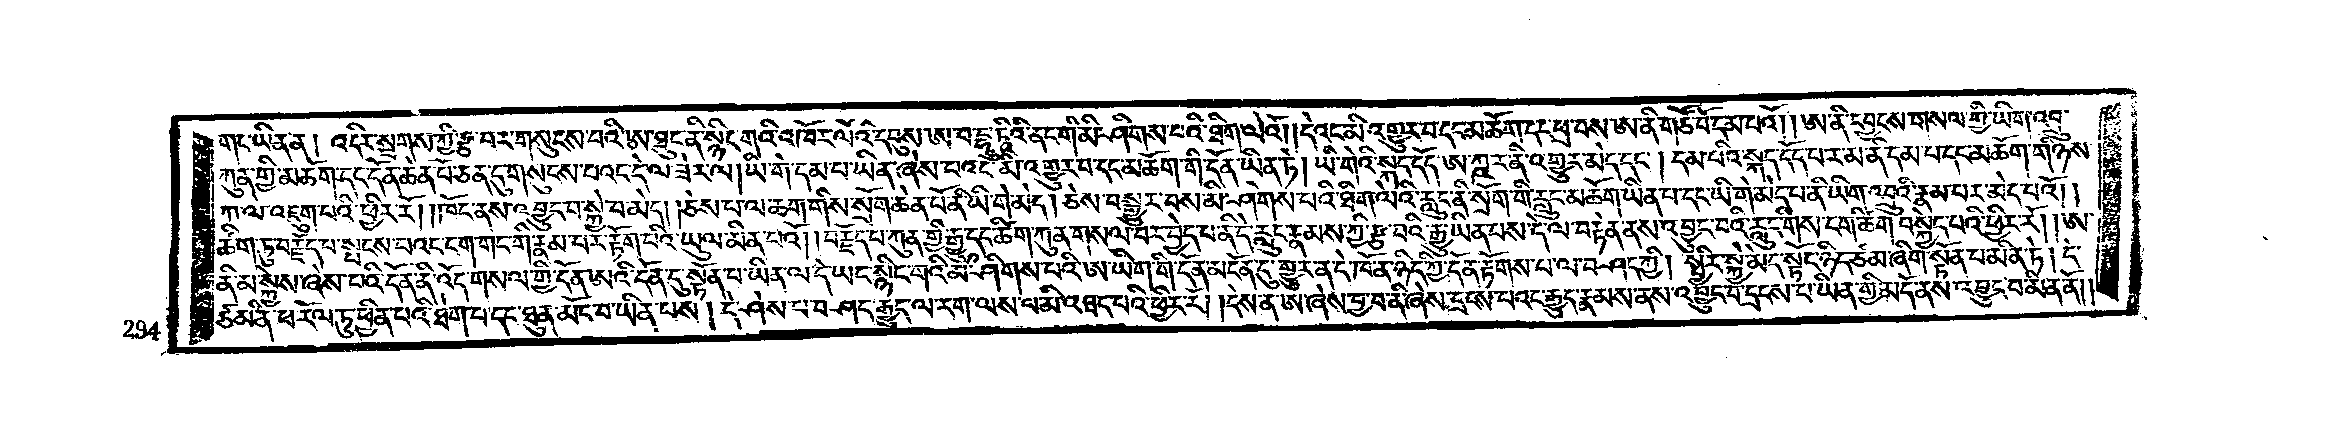གང་ཡིན་ན། འདིར་སྔགས་ཀྱི་རྩ་བར་གསུངས་པའི་ཨ་ཐུང་ནི་སྙིང་གའི་འཁོར་ལོའི་དབུས་ཨ་བ་དྷཱུ་ཏཱིའི་ནང་གི་མི་ཤིགས་པའི་ཐིག་ལེའོ། །དེའང་མི་འགྱུར་བ་དང་མཆོག་དང་ཕྲ་བས་ཨ་ནི་གཙོ་བོ་དམ་པའོ། །ཨ་ནི་དབྱངས་གསལ་གྱི་ཡིག་འབྲུ་
ཀུན་གྱི་མཆོག་དང་དོན་ཆེན་པོ་ཅན་དུ་གསུངས་པའང་དེ་ལ་ཟེར་ལ། ཡི་གེ་དམ་པ་ཡིན་ཞེས་པའང་མི་འགྱུར་བ་དང་མཆོག་གི་དོན་ཡིན་ཏེ། ཡི་གེའི་སྐད་དོད་ཨ་ཀྵར་ནི་འགྱུར་མེད་དང་། དམ་པའི་སྐད་དོད་པ་ར་མ་ནི་དམ་པ་དང་མཆོག་གཉིས་
ཀ་ལ་འཇུག་པའི་ཕྱིར་རོ། །ཁོང་ནས་འབྱུང་བ་སྐྱེ་བ་མེད། །ཅེས་པ་ལ་ཆག་གིས་སྲོག་ཆེན་པོ་ནི་ཡི་གེ་མེད། ཅེས་བསྒྱུར་བས་མི་ཤིགས་པའི་ཐིག་ལེའི་རླུང་ནི་སྲོག་གི་རླུང་མཆོག་ཡིན་པ་དང་ཡི་གེ་མེད་པ་ནི་ཡིག་འབྲུའི་རྣམ་པར་མེད་པའོ། །
ཚིག་ཏུ་བརྗོད་པ་སྤངས་པའང་ངག་གང་གི་རྣམ་པར་རྟོག་པའི་ཡུལ་མིན་པའོ། །བརྗོད་པ་ཀུན་གྱི་རྒྱུ་དང་ཚིག་ཀུན་གསལ་བར་བྱེད་པ་ནི་དེ་རླུང་རྣམས་ཀྱི་རྩ་བའི་རྒྱུ་ཡིན་པས་དེ་ལ་བརྟེན་ནས་འབྱུང་བའི་རླུང་གིས་ངག་ཚིག་བསྐྱེད་པའི་ཕྱིར་རོ། །ཨ་
ནི་མ་སྐྱེས་ཞེས་པའི་དོན་ནི་འོད་གསལ་གྱི་དོན་ཨཱི་དོན་དུ་སྟོན་པ་ཡིན་ལ་དེ་ཡང་སྙིང་གའི་མི་ཤིགས་པའི་ཨ་ཡིག་གི་དོན་མངོན་དུ་གྱུར་ན་དེ་ཁོ་ན་ཉིད་ཀྱི་དོན་རྟོགས་པ་ལ་བཤད་ཀྱི། སྤྱིར་སྐྱེ་མེད་སྟོང་ཉིད་ཙམ་ཞིག་སྟོན་པ་མིན་ཏེ། དེ་
ཙམ་ནི་ཕ་རོལ་ཏུ་ཕྱིན་པའི་ཐེག་པ་དང་ཐུན་མོང་བ་ཡིན་པས། དེ་ཤེས་པ་བཤད་རྒྱུད་ལ་རག་ལས་པ་མི་འཐད་པའི་ཕྱིར་རོ། །དེས་ན་ཨ་ཞེས་བྱ་བ་ནི་ཞེས་དྲངས་པའང་རྒྱུད་རྣམས་ནས་འབྱུང་བ་དྲངས་པ་ཡིན་གྱི་མདོ་ནས་འབྱུང་བ་མིན་ནོ། །